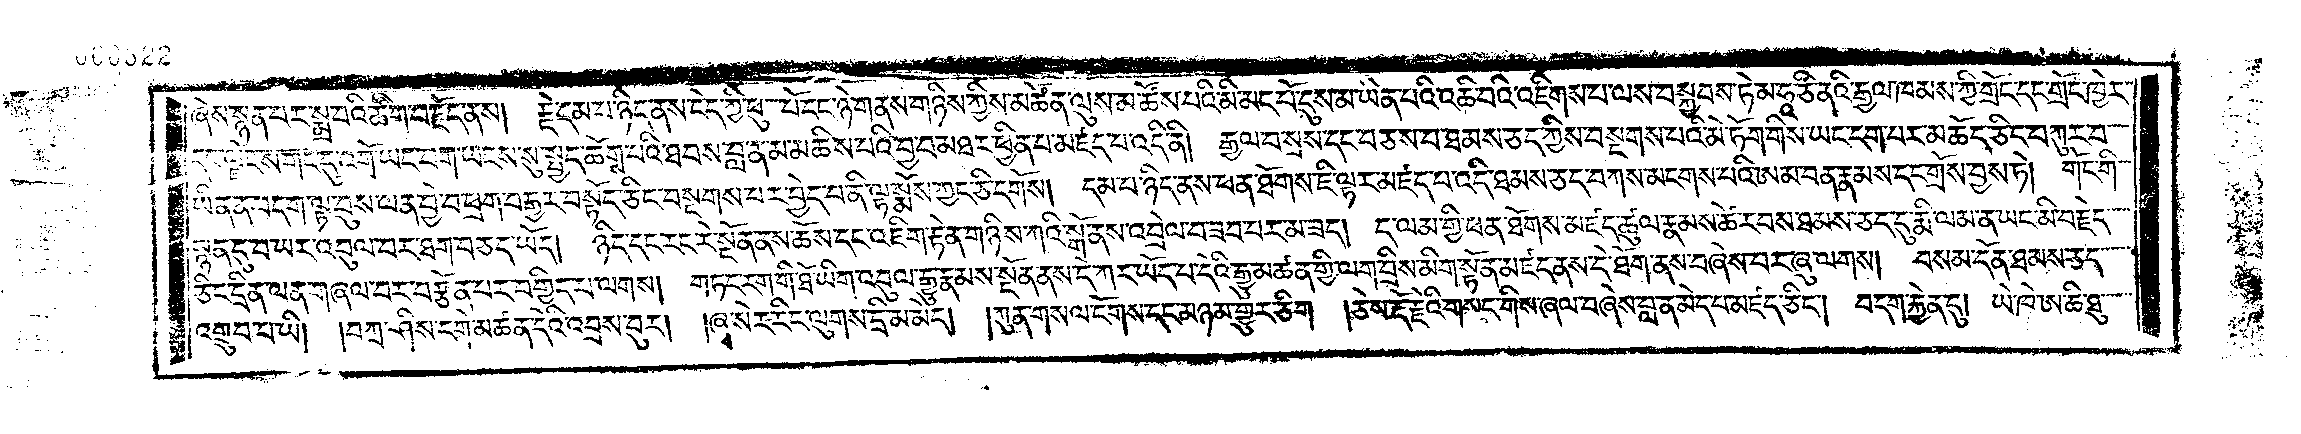ཞེས་སྙན་བར་སྨྲ་བའི་ཚིག་བརྗོད་ནས། རྗེ་དམ་པ་ཉིད་ནས་ངེད་ཀྱི་ཕུ་པོ་དང་ཉེ་གནས་གཉིས་ཀྱིས་མཚོན་ལུས་མ་ཚོས་པའི་མི་མང་པོ་དུས་མ་ཡིན་པའི་འཆི་བའི་འཇིགས་པ་ལས་བསྐྱབས་ཏེ་མ་ཧཱ་ཙི་ནའི་རྒྱལ་ཁམས་ཀྱི་གྲོང་དང་གྲོང་ཁྱེར་
དང་ལྗེངས་གང་དུ་འགྲོ་ཡང་བག་ཡངས་སུ་སྤྱད་ཆོགས་པའི་ཐབས་བླ་ནམ་མཆིས་པའི་བྱ་བ་མཐར་ཕྱིན་པ་མཛད་བ་འདི་ནི། རྒྱལ་བ་སྲས་དང་བཅས་པ་ཐམས་ཅད་ཀྱིས་བསྔགས་པའི་མེ་ཏོག་གིས་ཡང་དག་པར་མཆོད་ཅིང་བཀུར་བ་
ཡིན་ན་བདག་ལྟ་བུས་ལན་བྱེ་བ་ཕྲག་བརྒྱར་བསྟོད་ཅིང་བསྔགས་བར་བྱེད་པ་ནི་ལྟ་སྨོས་ཀྱང་ཅི་དགོས། དམ་པ་ཉིད་ནས་ཕན་ཐོགས་ཇི་ལྟར་མཛད་པ་འདི་ཐམས་ཅད་བཀས་མངགས་པའི་ཨམ་བན་རྣམས་དང་གྲོས་བྱས་ཏེ། གོང་གི་
སྙན་དུ་བ་ཡར་འབུལ་བར་ཐག་བཅད་ཡོད། ཉིད་དང་རང་རེ་སྔོན་ནས་ཆོས་དང་འཇིག་རྟེན་གཉིས་ཀའི་སྒོ་ནས་འབྲེལ་བ་ཟབ་བར་མ་ཟད། ད་ལམ་གྱི་ཕན་ཐོགས་མཛད་ཚུལ་རྣམས་ཚེ་རབས་ཐམས་ཅད་དུ་རྨི་ལམ་ན་ཡང་མི་བརྗེད་
ཅིང་དྲིན་ལན་གཞལ་བར་བརྩོན་པར་བགྱིད་པ་ལགས། གཏང་རག་གི་ཐོ་ཡིག་འབུལ་རྒྱུ་རྣམས་སྔོན་ནས་དེ་ཀར་ཡོད་པ་དེའི་རྒྱུ་མཚན་གྱི་ལག་བྲིས་མིག་སྟོན་མཛད་ནས་དེ་ཐོག་ནས་བཞེས་པར་ཞུ་ལགས། བསམ་དོན་ཐམས་ཅད་
འགྲུབ་པ་ཡི། །བཀྲ་ཤིས་དགེ་མཚན་དེའི་འབྲས་བུར། །ཞྭ་སེར་རིང་ལུགས་དྲི་མ་མེད། །ཀུན་གསལ་ངོགས་དང་མཉམ་གྱུར་ཅིག །ཅེས་རྡོ་རྗེའི་གསུང་གིས་ཞལ་བཞེས་བླ་ན་མེད་པ་མཛད་ཅིང་། བདག་རྐྱེན་དུ། ཡེ་ཁེ་ཨ་ཆི་ཐུ་